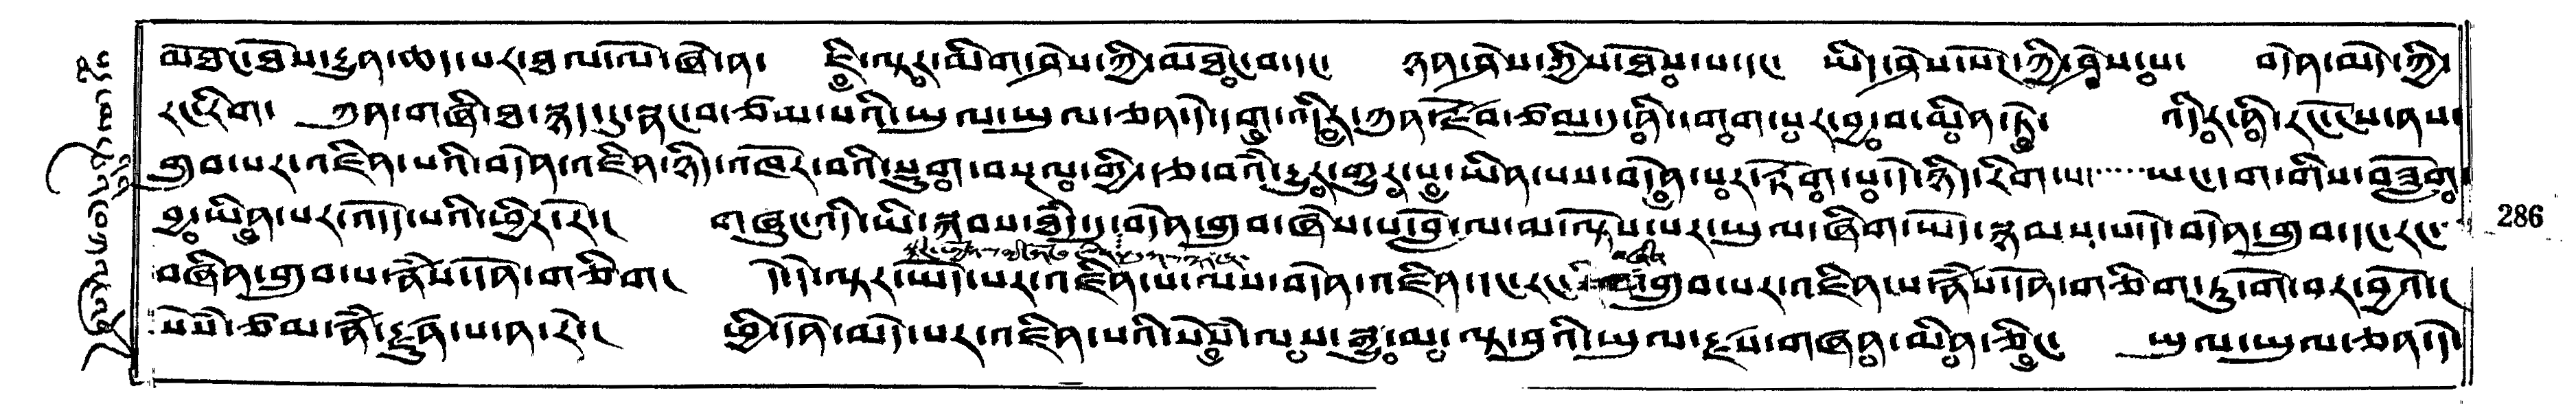མཐོང་ཐོས་རྒྱུན་ཆད་པར་ཐལ་ལོ་ཞེ་ན། ཇི་ལྟར་མིག་ཤེས་ཀྱི་མཐོང་བ་དང་། ཉན་ཤེས་ཀྱིས་ཐོས་པ་དང་། ཡིད་ཤེས་སོགས་ཀྱི་ཤེས་པ། བདེན་མེད་ཀྱི་
རང་རིག ཀུན་གཞི་ཐ་སྙད་དུ་སྣང་བ་ཙམ་པའི་ཡུལ་ཡུལ་ཅན་དེ་དག་འདིར་ཀུན་རྫོབ་ཙམ་དུ་ནི་དགག་པར་བྱ་བ་མིན་ཏེ། འདིར་ནི་རང་ངོས་ནས་
གྲུབ་པར་འཛིན་པའི་བདེན་འཛིན་ཉིད་འཁོར་བའི་སྡུག་བསྔལ་གྱི་རྩ་བའམ་རྒྱུར་གྱུར་པ་ཡིན་པས་བདེན་པར་རྟོག་པ་དེ་ཉིད་རིག་པ་ཡང་དག་གིས་བཟློག་
བྱ་ཡིན་པར་འདོད་པའི་ཕྱིར་རོ།། གཞུང་འདི་ཡི་སྐབས་ཐམས་ཅད་དུ་རྙིང་ཕྱོགས་ཀྱི་གོ་བ་ལེན་ལུགས་ལྟར་ན། བདེན་གྲུབ་ཞེས་པ་བློ་ལ་མ་ལྟོས་པར་ཡུལ་ཞིག་ཡོད་སྙམ་པ་དེ་བདེན་གྲུབ་དང་རང་
བཞིན་གྲུབ་པ་རྣམས་དོན་གཅིག དེ་དེ་ལྟར་ཡོད་པར་འཛིན་པ་ལས་བདེན་འཛིན་དང་རང་བཞིན་གྲུབ་པར་འཛིན་པ་རྣམས་དོན་གཅིག་ཏུ་གོ་བར་བྱའོ།། 
སེམས་ཙམ་རྣམ་རྫུན་པ་ན་རེ། ཕྱི་དོན་མེད་པར་འཛིན་པའི་སེམས་ལས་སྒྱུ་མ་ལྟ་བུའི་ཡུལ་རྫས་གཞན་མིན་ཅིང་། ཡུལ་ཡུལ་ཅན་དེ་